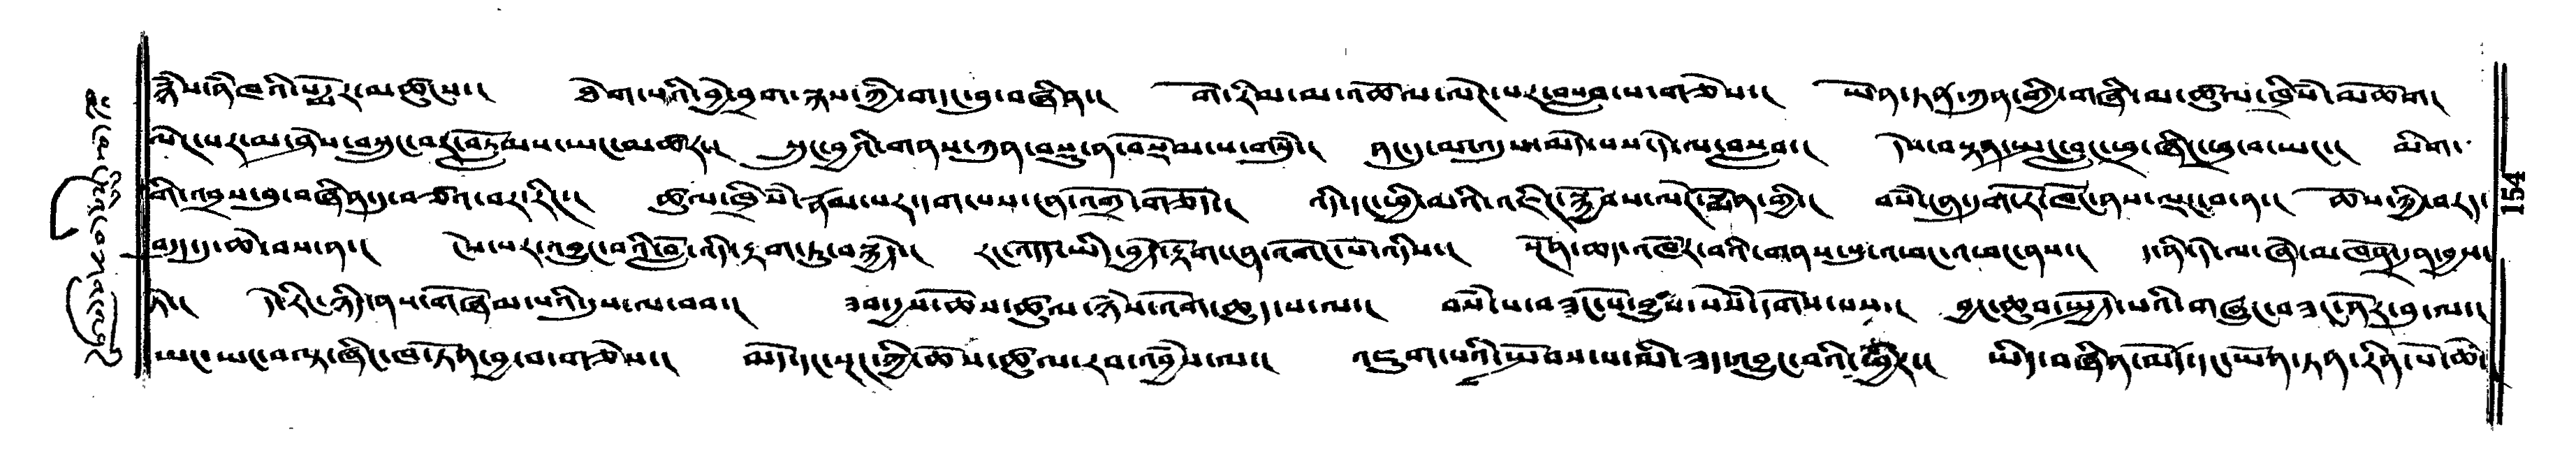སྙམ་ནམ་མཁའི་པདྨོར་མཚུངས། །ཐེག་པའི་བྱེ་བྲག་སྐས་ཀྱི་གདང་བུ་བཞིན། །གོ་རིམ་མ་འཆོལ་ལེགས་པར་བསླབ་པ་གཅེས། །ཡོན་ཏན་ཀུན་གྱི་གཞི་མ་ཚུལ་ཁྲིམས་མཆོག །
ལེགས་པར་མ་ཤེས་སྲུང་བར་རློམ་ཡང་མཚར། །སྲུང་བྱའི་གནས་ཀུན་བསྡུ་ན་སྡོམ་པ་གསུམ། །ནང་དུ་མ་འདུས་མེད་པས་དེ་ལ་བསླབ། །དེས་བསྟན་སྤང་བླང་ཕྲ་ཞིང་ཕྲ་བ་ཡང་། །མིག་
གི་འབྲས་བུ་བཞིན་དུ་བཙའ་བར་རིགས། །ཚུལ་ཁྲིམས་རྣམ་པར་དག་པས་ངན་འགྲོ་གཅོད། །འདི་དང་ཕྱི་མའི་འཇིགས་སྐྱོབ་ལེགས་སྨོན་གྱི། །བསམ་ངན་དུག་རོ་ཁོང་ནས་ལྡང་བ་ན། །ཆོས་ཀྱི་བར་ཆད་
བདུད་དུ་ཆེ་བས་ན། །ངེས་པར་འབྱུང་བའི་བློ་འདི་རྟག་ཏུ་བསྐྱེད། །རང་འདོད་ཡིད་བྱེད་རྟོག་ངན་འགོང་པོ་འདིས། །སྔོན་ཆད་འཁོར་བའི་གནས་སུ་འཕངས་འཕངས་ནས། །ད་ནི་དེ་ལ་ཞེ་འཁོན་དྲན་བྱས་
ཏེ། །དེ་རིང་ཉིད་ནས་གཞོམ་པའི་དུས་ལ་བབ། །ཟབ་རྒྱས་ཆོས་ཚུལ་ཉམས་འོག་ཆུད་པ་ལ། །བསམ་པ་བཟང་པོ་བྱང་ཆུབ་སེམས་དགོས་པས། །བྱང་ཆུབ་སྤྱོད་པའི་གཞུང་བཟང་ནོར་བུ་ལ། །
ཡང་ཡང་ལྟ་ཞིང་ཁ་ཏོན་བྱ་བ་གཅེས། །མདོ་དང་སྔགས་ཀྱི་ཆོས་ཚུལ་རབ་འབྱམས་ལ། །འཇུག་པའི་སྤོབས་པ་མི་ཟད་འབྱུང་བའི་ཕྱིར། །ཡིད་བཞིན་མཛོད་དང་ཡོན་ཏན་རིན་པོ་ཆེ།